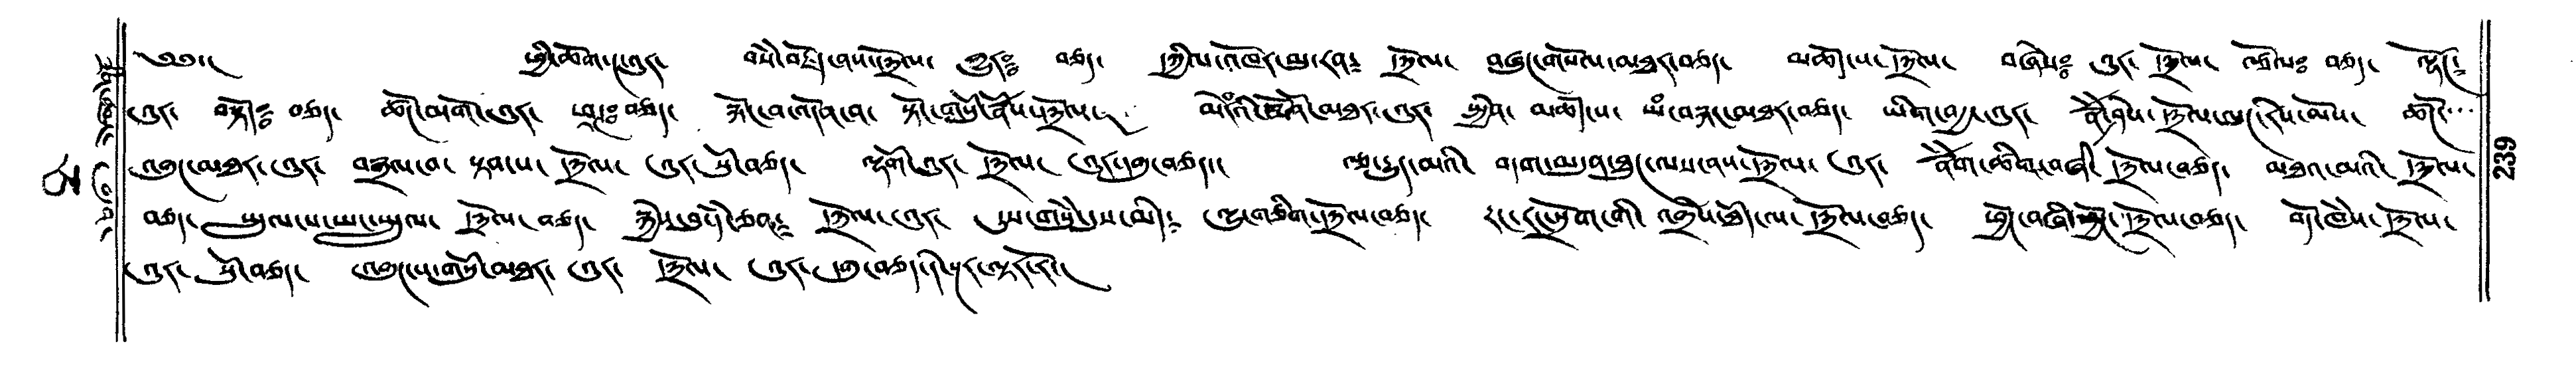ཕྱི་ཆོག་རྔ་འུར། བསམ་བརྗོད༴ ནས་དཀྲོལ། གྱུར༔ བཅད། དཀྱིལ་འཁོར་མུ་རན༴ དཀྲོལ། བཞུགས་གསོལ་མཐར་བཅད། མཆོད་པ་དཀྲོལ། བཞེས༔ འུར། དཀྲོལ། སྩོལཿ བཅད། ལྷ་ཚོགས༴ 
འུར། བསྟོད༔ བཅད། ཚོགས་མགོ་འུར། ཕཊཿ བཅད། སྐོང་བ་འདོན་ན། སྟོང་གསུམ༴ རྣམ་དཀྲོལ། མར་མེའི་སྨོན་ལམ་མཐར། འུར། སྤྱན་འདྲེན། མཆོད་པ། ཡཾ་བསྐང་མཐར་བཅད། ཡིག་བརྒྱ། འུར། རྣམ་ཤེས༴ དཀྲོལ་ལུགས་རེས་མོས། ཚོགས་
འགུགས་མཐར། འུར། བསྒྲལ་བསྟབ། དཀྲོལ།འུར། སུམ་བཅད། ལྷག་མ། འུར། དཀྲོལ། འུར་དགུ་བཅད། རྩ་བརྒྱུད༴ མའི། བདག་མདུན་ཐུགས་ལས༴ ནས་དཀྲོལ། འུར། རྣམ་དག༴ ཚིག་བཞི། དཀྲོལ་བཅད། མཐའ་མར། དཀྲོལ་
བཅད། སྤྲུལ་པ་ཡང་སྤྲུལ༴ དཀྲོལ་ཅན། སྐྱེས་བུ་དམ་ཅན༴ དཀྲོལ་འུར། དུས་གསུམ་དུས་མེད༴ ལྷུ་གཅིག་དཀྲོལ་བཅན། རང་རང་སྲོག་གི༴ འགྲེགས་ཐམས་ཅད་ལ་དཀྲོལ་བཅད། ཕྱོགས་བཞི༴ དཀྲོལ་བཅད། བོད་ཁམས༴ དཀྲོལ་
འུར། སུམ་བཅད། འགུགས་པ་གསུམ་མཐར། འུར། དཀྲོལ། འུར། དགུ་བཅད་དེ་སྔར་ལྟར་རོ།། དགེའོ།།